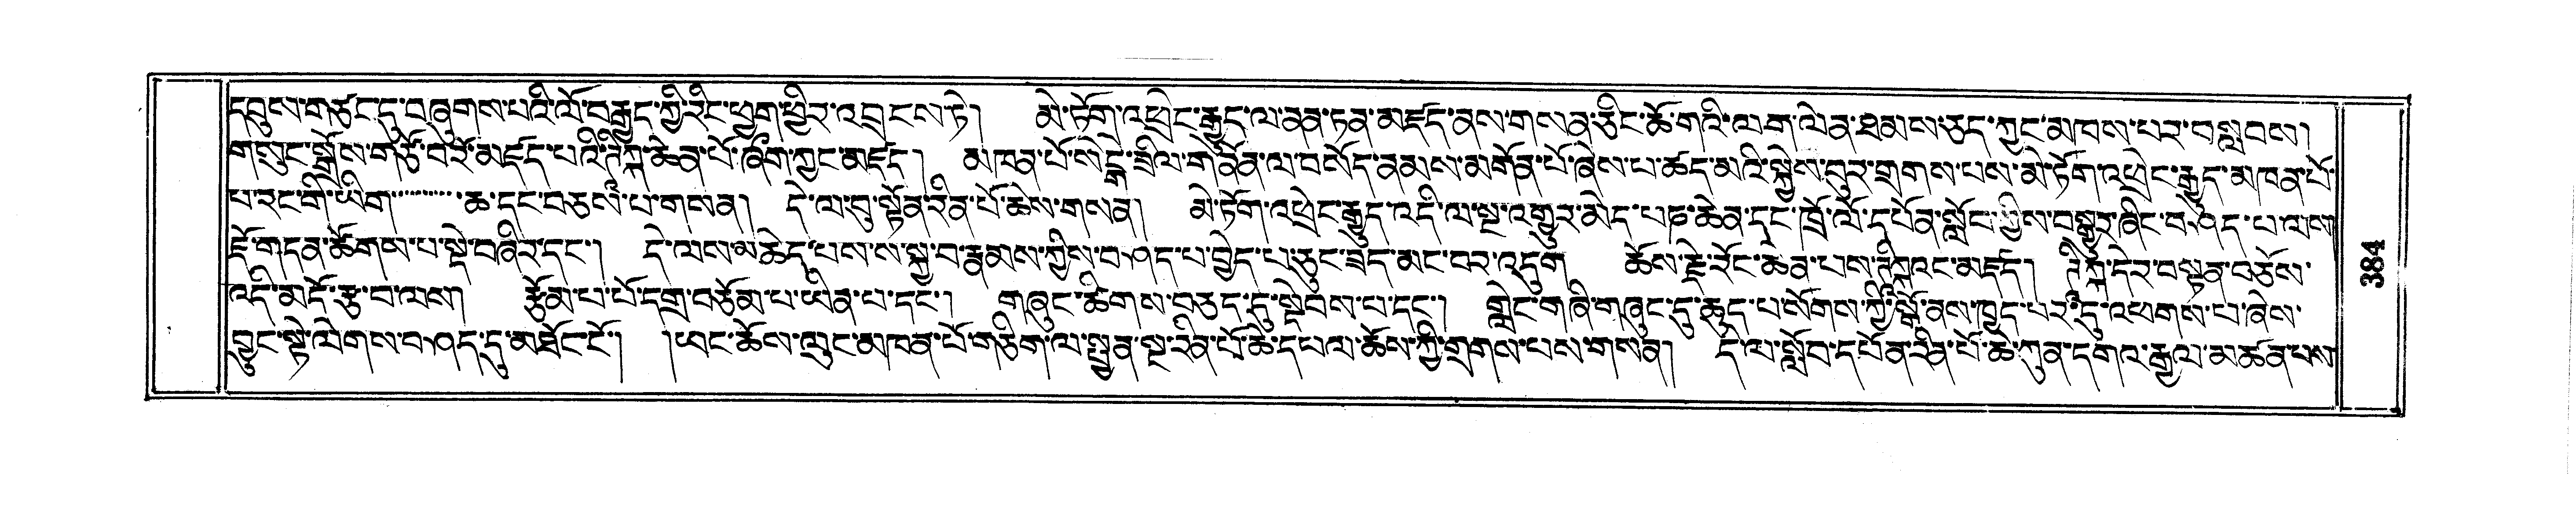དབུས་གཙང་དུ་བཞུགས་པའི་ལོ་བརྒྱད་ཀྱི་རིང་ཕྱག་ཕྱིར་འབྲངས་ཏེ། མེ་ཏོག་འཕྲེང་རྒྱུད་ལ་ནན་ཏན་མཛད་ནས་གསན་ཅིང་ཆོ་གའི་ལག་ལེན་ཐམས་ཅད་ཀྱང་མཁས་པར་བསླབས།
གསུང་སྒྲོས་གཙོ་བོར་མཛད་པའི་ཊིཀྐ་ཆེན་པོ་ཞིག་ཀྱང་མཛད། མཁན་པོ་སེངྒེ་ཟིལ་གནོན་ལ་བསོད་ནམས་མགོན་པོ་ཞེས་པ་ཚད་མའི་སྐྱེས་བུར་གྲགས་པས་མེ་ཏོག་འཕྲེང་རྒྱུད་མཁན་པོ་
པ་རང་གི་ཡིག་ཆ་དང་བཅས་པ་གསན། དེ་ལ་བུ་སྟོན་རིན་པོ་ཆེས་གསན། མེ་ཏོག་འཕྲེང་རྒྱུད་འདི་ལ་སྔ་འགྱུར་མེད་པཎ་ཆེན་དྲང་ཁྲོ་ལོ་དཔོན་སློབ་ཀྱིས་བསྒྱུར་ཞིང་བཤད་པ་ལས་
ཇོ་གདན་ཚོགས་པ་སྡེ་བཞིར་དང་། དེ་ལས་མཆེད་པས་ས་སྐྱ་བ་རྣམས་ཀྱིས་བཤད་པ་བྱེད་པ་ཅུང་ཟད་མང་བར་འདུག །ཆོས་རྗེ་རོང་ཆེན་པས་ཊིཀྐའང་མཛད། ཊིཀྐ་དེར་བསྟན་བཅོས་
འདི་མདོ་རྩ་བ་ལས། རྩོམ་པ་པོ་དགྲ་བཅོམ་པ་ཡིན་པ་དང་། གཞུང་ཚིགས་བཅད་དུ་སྡེབས་པ་དང་། གླེང་གཞི་གཞུང་དུ་ཆུད་པ་སོགས་ཀྱི་སྒོ་ནས་ཁྱད་པར་དུ་འཕགས་པ་ཞེས་
བྱུང་སྟེ་ལེགས་བཤད་དུ་མཐོང་ངོ། །ཡང་ཆོས་ལུང་མཁན་པོ་གཅིག་ལ་སྤྱན་སྔ་རིན་པོ་ཆེ་དཔལ་ཆོས་ཀྱི་གྲགས་པས་གསན། དེ་ལ་སློབ་དཔོན་རིན་པོ་ཆེ་ཀུན་དགའ་རྒྱལ་མཚན་པས་